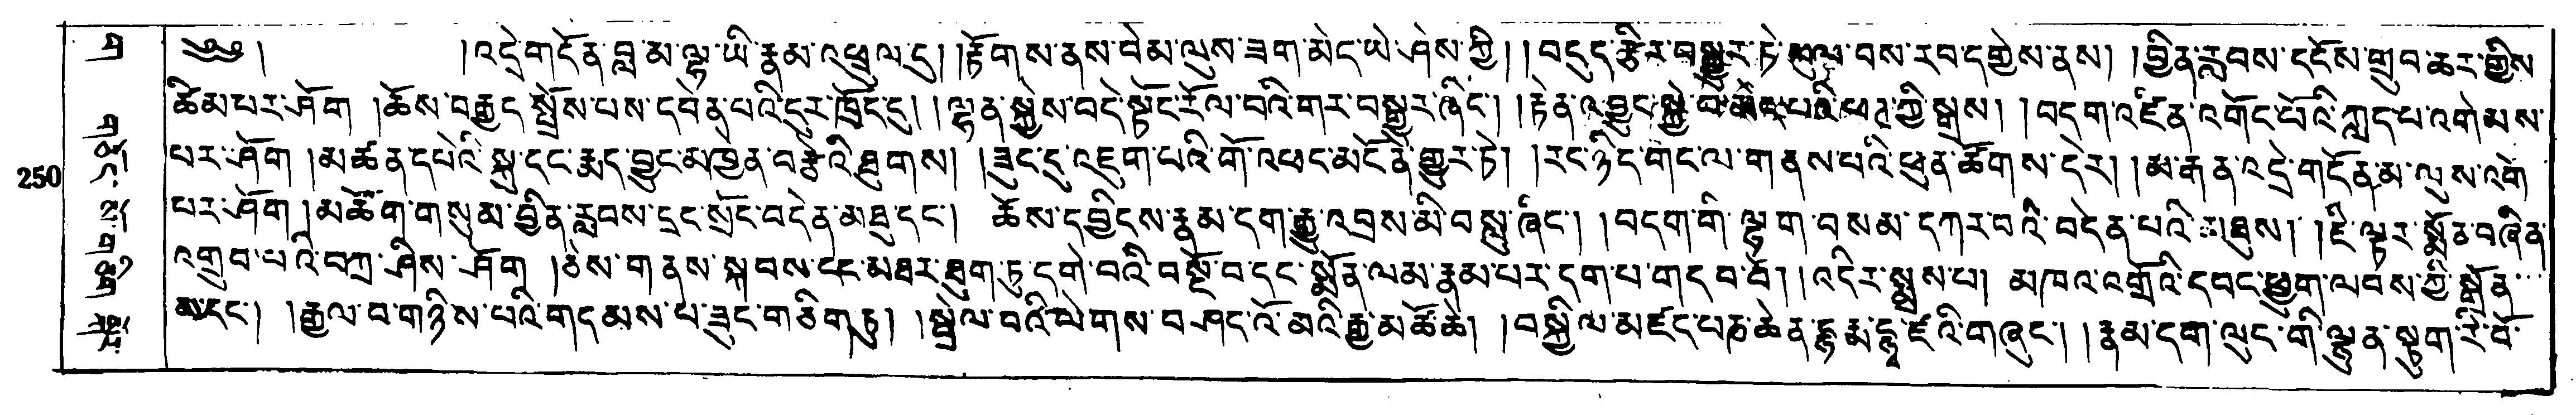༄༅། །འདྲེ་གདོན་བླ་མ་ལྷ་ཡི་རྣམ་འཕྲུལ་དུ། །རྟོགས་ནས་བེམ་ལུས་ཟག་མེད་ཡེ་ཤེས་ཀྱི། །བདུད་རྩིར་བསྒྱུར་ཏེ་ཕུལ་བས་རབ་དགྱེས་ནས། །བྱིན་རླབས་དངོས་གྲུབ་ཆར་གྱིས་
ཚིམ་པར་ཤོག །ཆོས་བརྒྱད་སྤྲོས་པས་དབེན་པའི་དུར་ཁྲོད་དུ། །ལྷན་སྐྱེས་བདེ་སྟོང་རོལ་བའི་གར་བསྒྱུར་ཞིང་། །རྟེན་འབྱུང་སྐྱེ་བ་མེད་པའི་ཕཊ་ཀྱི་སྒྲས། །བདག་འཛིན་འགོང་པོའི་ཀླད་པ་འགེམས་
པར་ཤོག །མཚན་དཔེའི་སྐུ་དང་རྨད་བྱུང་མཁྱེན་བརྩེའི་ཐུགས། །ཟུང་དུ་འཇུག་པའི་གོ་འཕང་མངོན་གྱུར་ཏེ། །རང་ཉིད་གང་ལ་གནས་པའི་ཕུན་ཚོགས་དེར། །མ་རྒན་འདྲེ་གདོན་མ་ལུས་འགོ་
པར་ཤོག །མཆོག་གསུམ་བྱིན་རླབས་དྲང་སྲོང་བདེན་མཐུ་དང་། ཆོས་དབྱིངས་རྣམ་དག་རྒྱུ་འབྲས་མི་བསླུ་ཞིང་། །བདག་གི་ལྷག་བསམ་དཀར་བའི་བདེན་པའི་མཐུས། །ཇི་ལྟར་སྨོན་བཞིན་
འགྲུབ་པའི་བཀྲ་ཤིས་ཤོག །ཅེས་གནས་སྐབས་དང་མཐར་ཐུག་ཏུ་དགེ་བའི་བསྔོ་བ་དང་སྨོན་ལམ་རྣམ་པར་དག་པ་གདབ་བོ། །འདིར་སྨྲས་པ། མཁའ་འགྲོའི་དབང་ཕྱུག་ལབས་ཀྱི་སྒྲོན་
མ་དང་། །རྒྱལ་བ་གཉིས་པའི་གདམས་པ་ཟུང་གཅིག་ཏུ། །སྦྲེལ་བའི་ལེགས་བཤད་འོ་མའི་རྒྱ་མཚོ་ཆེ། །བསྐྱིལ་མཛད་པཎ་ཆེན་དྷ་རྨ་དྷྭ་ཛའི་གཞུང་། །རྣམ་དག་ལུང་གི་ལྷུན་སྟུག་རི་བོ་